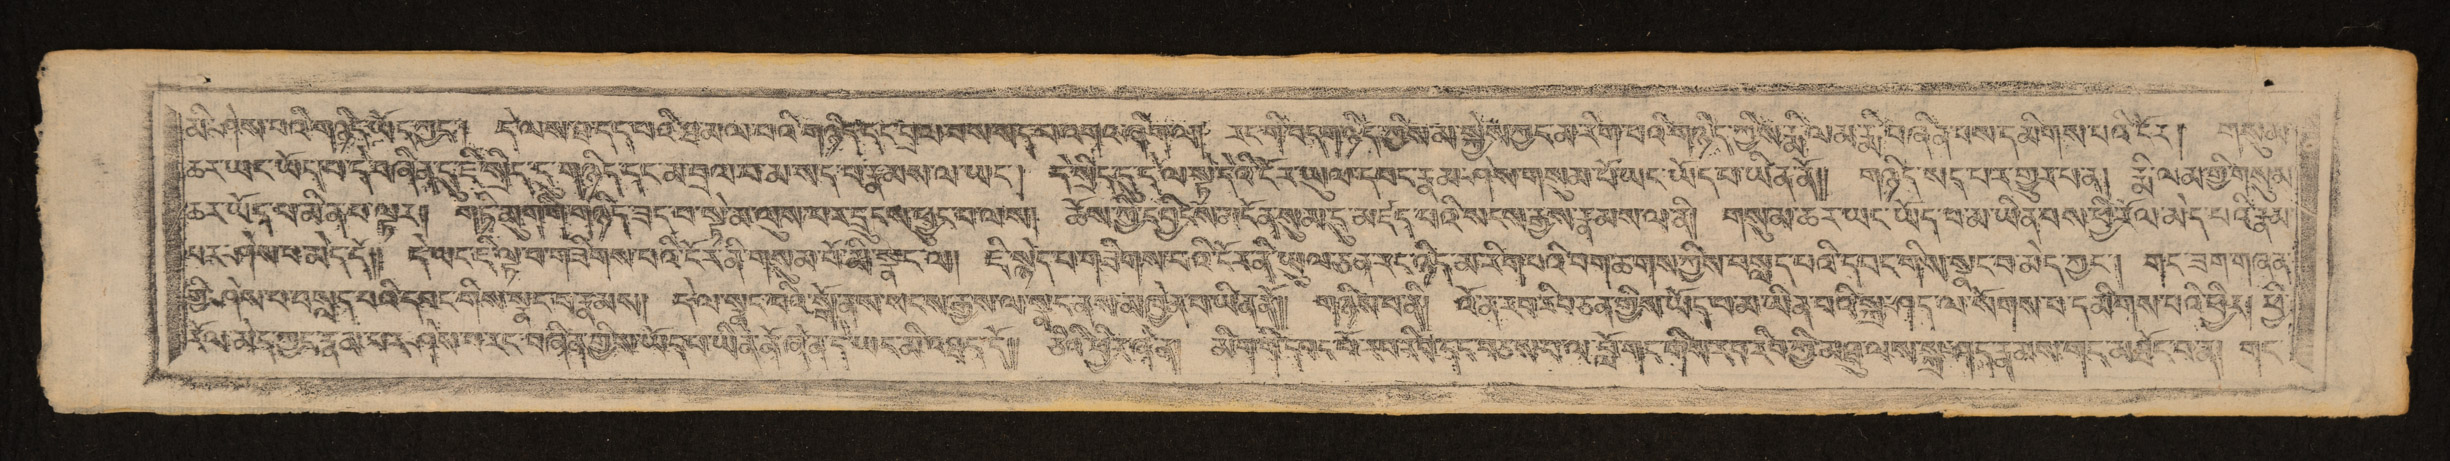མི་ཤེས་པའི་གཉིད་ཡོད་ཀྱང་། དེ་ལས་ཐ་དད་པའི་ཐ་མལ་པའི་གཉིད་དང་བྲལ་བས་སད་པ་འགའ་ཞིག་ལ། རང་གི་བདག་ཉིད་ཀྱིས་མ་སྐྱེས་ཀྱང་མ་རིག་པའི་གཉིད་ཀྱིས་རྨི་ལམ་རྨི་བཞིན་པས་དམིགས་པའི་ངོར། གསུམ་
ཆར་ཡང་ཡོད་པ་དེ་བཞིན་དུ་ཇི་སྲིད་དུ་གཉིད་དང་མ་བྲལ་བ་མ་སད་པ་རྣམས་ལ་ཡང་། དེ་སྲིད་དུ་དེ་ལ་སྟེ་དེའི་ངོར་ཡུལ་དབང་རྣམ་ཤེས་གསུམ་པོ་ཡང་ཡོད་པ་ཡིན་ནོ།། གཉིད་སད་པར་གྱུར་པ་ན། རྨི་ལམ་གྱི་གསུམ་
ཆར་ཡོད་པ་མིན་པ་ལྟར། གཏི་མུག་གི་གཉིད་ཟད་པ་སྟེ་མ་ལུས་པར་དྲུངས་ཕྱུང་བ་ལས། ཆོས་ཀྱི་དབྱིངས་མངོན་སུམ་དུ་མཛད་པའི་སངས་རྒྱས་རྣམས་ལ་ནི། གསུམ་ཆར་ཡང་ཡོད་པ་མ་ཡིན་པས་ཕྱི་རོལ་མེད་པའི་རྣམ་
པར་ཤེས་པ་མེད་དོ།། དེ་ཡང་ཇི་ལྟར་གཟིགས་པའི་ངོར་ནི་གསུམ་པོ་མི་སྣང་ལ། ཇི་སྙེད་པ་གཟིགས་པའི་ངོར་ནི་ཡུལ་ཅན་རང་ཉིད་མ་རིག་པའི་བག་ཆགས་ཀྱིས་བསླད་པའི་དབང་གིས་སྣང་བ་མེད་ཀྱང་། གང་ཟག་གཞན་
གྱི་ཤེས་པ་བསླད་པའི་དབང་གིས་སྣང་བ་རྣམས། དེ་ལ་སྣང་བའི་སྒོ་ནས་སངས་རྒྱས་ལ་སྣང་ནས་མཁྱེན་པ་ཡིན་ནོ།། གཉིས་པ་ནི། འོ་ན་རབ་རིབ་ཅན་གྱིས་ཡོད་པ་མ་ཡིན་པའི་སྐྲ་ཤད་ལ་སོགས་པ་དམིགས་པའི་ཕྱིར། ཕྱི་
རོལ་མེད་ཀྱང་རྣམ་པར་ཤེས་པ་རང་བཞིན་གྱིས་ཡོད་པ་ཡིན་ནོ་ཞེ་ན་དེ་ཡང་མི་འཐད་དོ།། ཅིའི་ཕྱིར་ཞེ་ན། མིག་གི་དབང་པོ་རབ་རིབ་དང་བཅས་པ་ལ་བློ་གང་གིས་རབ་རིབ་ཀྱི་མཐུ་ལས་སྐྲ་ཤད་རྣམས་གང་མཐོང་བ་ན། གང་